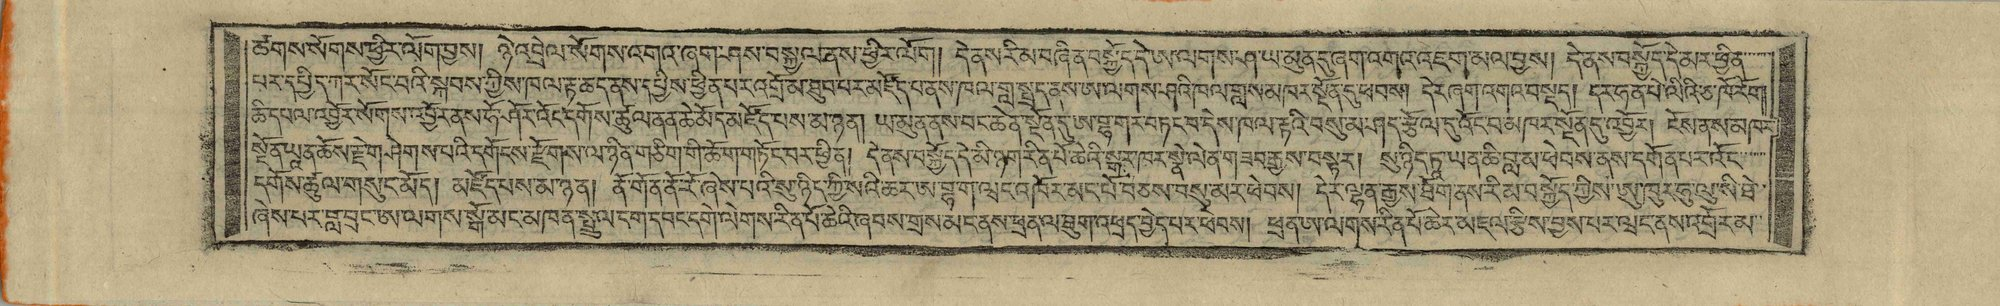ཚགས་སོགས་ཕྱིར་ལོག་བྱས། ཉེ་འབྲེལ་སོགས་འགའ་ཞག་ཤས་བསྐྱལ་ནས་ཕྱིར་ལོག །དེ་ནས་རིམ་བཞིན་བསྐྱོད་དེ་ཨ་ལགས་ཤ་ཡ་མུན་དུ་ཞག་འགའ་འཇག་མལ་བྱས། དེ་ནས་བསྐྱོད་དེ་མར་ཕྱིན་
པར་དཔྱིད་ཀར་སོང་བའི་སྐབས་ཀྱིས་ཁལ་རྟ་ཆད་ནས་དཔྱིས་ཕྱིན་པར་འགྲོ་མ་ཐུབ་པར་མཛོད་པ་ནས་ཁལ་གླ་སྤྲད་ནས་ཨ་ལགས་ཤའི་ཁལ་གླས་མཁར་སྔོན་དུ་ཕབས། དེར་ཞག་འགའ་བསྡད། དར་ཧན་པེ་ལིའི་ཅ་ཁོ་རོག །
ཆི་དཔལ་འབྱོར་སོགས་འབྱོར་ནས་ཧོ་ཤོར་འོང་དགོས་ཚུལ་ནན་ཆེ་མོད་མཛོད་པས་མ་ཉན། ཡ་མུན་ནས་བང་ཆེན་སྔོན་དུ་ཨ་བྷ་གར་བཏང་བ་དེས་ཁལ་རྟའི་བསུ་མ་ཤད་རྩོལ་དུ་འོང་བ་མཁར་སྔོན་དུ་འབྱོར། ངོས་ནས་མཁར་
སྔོན་ཡཱན་ཆོས་རྗེ་གཤེགས་པའི་དགོངས་རྫོགས་ལ་ཉིན་གཅིག་གི་ཆོ་ག་གཏོང་བར་ཕྱིན། དེ་ནས་བསྐྱོད་དེ་མི་ཉག་རིན་པོ་ཆེའི་སྒར་ཁར་སྣེ་ལེན་གཟབ་རྒྱས་བསྟར། སུ་ཉིད་ཏཱ་ཡན་ཆི་བླ་མ་ཕེབས་ནས་དགོན་པར་འོང་
དགོས་ཚུལ་གསུང་མོད། མཛོད་པས་མ་ཉན། ནོ་གོན་ནོ་རོ་ཞེས་པའི་སུ་ཉིད་ཀྱི་སའི་ཆར་ཨ་བྷ་ག་ལྭང་འཁོར་མང་པོ་བཅས་བསུ་མར་ཕེབས། དེར་ལྷན་རྒྱས་ཐོག་ནས་རིམ་བསྐྱོད་ཀྱིས་ཨུ་ཁུར་ཧུ་ལུ་སི་ཐེ་
ཞེས་པར་བླ་བྲང་ཨ་ལགས་སྒོ་མང་མཁན་སྤྲུལ་ངག་དབང་དགེ་ལེགས་རིན་པོ་ཆེའི་ཞབས་གྲས་མང་ནས་ཕྲན་ལ་ཐུག་འཕྲད་བྱེད་པར་ཕེབས། ཕྲན་ཨ་ལགས་རིན་པོ་ཆེར་མཇལ་རྩིས་བྱས་པར་ལྭང་ནས་འགྲོར་མ་